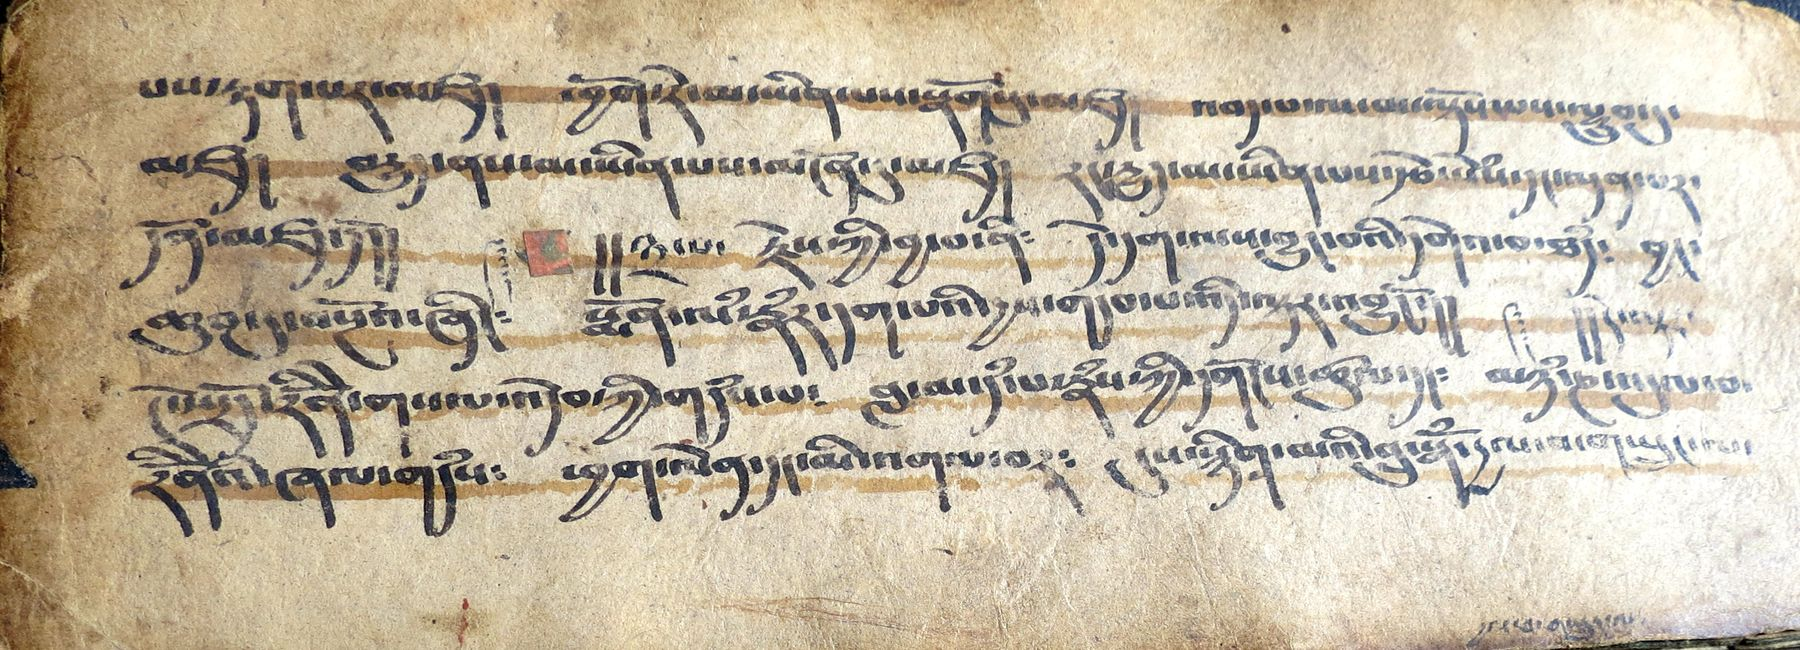པས་རྟག་པར་མཛད། ཕྱོགས་རེ་བ་མ་ཡིན་པར་སྣ་ཚོགས་སུ་མཛད། འབད་པ་ལ་མ་ལྟོས་པར་ལྷུན་གྲུབ་ཏུ་
མཛད། ལྐོག་ན་མ་ཡིན་པས་མངོན་དུ་མཛད། རང་རྒྱུད་མ་ཡིན་པར་བརྩེ་སེམས་དང་ལྡན་པར་
དོན་མཛད་དོ། ། གསུམ་པ་རྗེས་ཀྱི་བྱ་བ་ནི། དེ་དག་ལས་བྱུང་བའི་དགེ་བ་ཐམས་ཅད་བྱང་
ཆུབ་ཏུ་བསྔོ་ཞིང་། སྨོན་ལམ་རྣམ་པར་དག་པས་རྒྱས་བཏབ་པ་འདིར་འབྱུང་ངོ་། ། དེ་ལྟར་
ངོ་སྤྲོད་རིན་པོ་ཆེའི་གསལ་འདེབས་རྒྱབ་སྐྱོར་གྱི་གདམས་པ། བླ་མ་དམ་པ་རྣམས་ཀྱི་དགོངས་ཚུལ་དང་། མཉམ་མེད་འདུལ་བ་
རིན་པོ་ཆེའི་ཞལ་གདམས། ཕྱག་ལེན་དང་མི་འགལ་བར། དུས་སྙིགས་མའི་བྲུ་སྒོམ་རྒྱལ་བ་གཡུང་དྲུང་ལ།